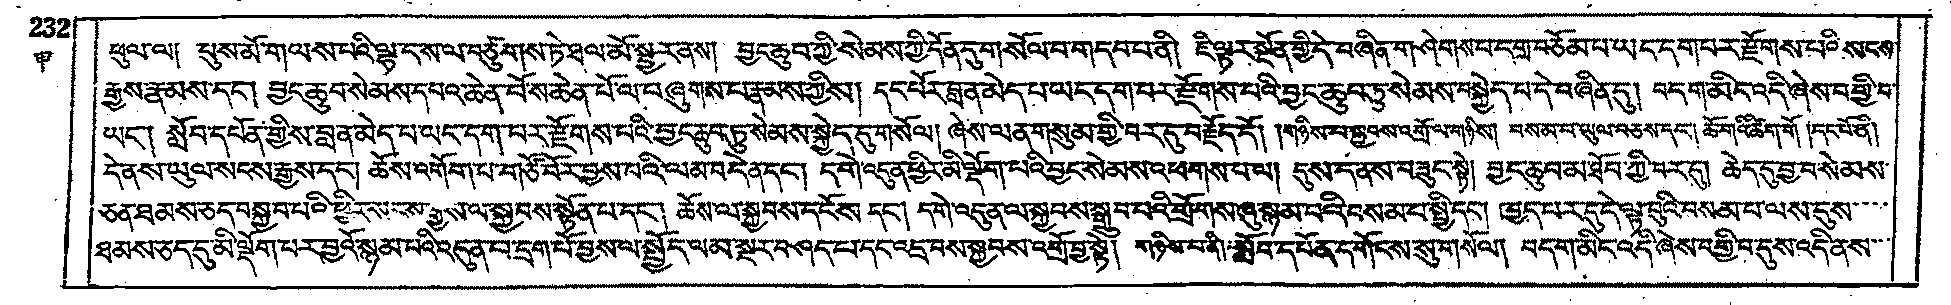ཕུལ་ལ། པུས་མོ་གཡས་པའི་ལྷ་ང་ས་ལ་བཙུགས་ཏེ་ཐལ་མོ་སྦྱར་ནས། བྱང་ཆུབ་ཀྱི་སེམས་ཀྱི་དོན་དུ་གསོལ་བ་གདབ་པ་ནི། ཇི་ལྟར་སྔོན་གྱི་དེ་བཞིན་གཤེགས་པ་དགྲ་བཅོམ་པ་ཡང་དག་པར་རྫོགས་པའི་སངས་
རྒྱས་རྣམས་དང་། བྱང་ཆུབ་སེམས་དཔའི་ཆེན་པོ་ས་ཆེན་པོ་ལ་བཞུགས་པ་རྣམས་ཀྱིས། དང་པོར་བླ་ན་མེད་པ་ཡང་དག་པར་རྫོགས་པའི་བྱང་ཆུབ་ཏུ་སེམས་བསྐྱེད་པ་དེ་བཞིན་དུ། བདག་མིང་འདི་ཞེས་བགྱི་བ་
ཡང་། སློབ་དཔོན་གྱིས་བླ་ན་མེད་པ་ཡང་དག་པར་རྫོགས་པའི་བྱང་ཆུབ་ཏུ་སེམས་སྐྱེད་དུ་གསོལ། ཞེས་ལན་གསུམ་གྱི་བར་དུ་བརྗོད་དོ། །གཉིས་པ་སྐྱབས་འགྲོ་ལ་གཉིས། བསམ་པ་ཡུལ་བཅས་དང་། ཆོ་གའི་ཚིག་གོ། དང་པོ་ནི།
དེ་ནས་ཡུལ་སངས་རྒྱས་དང་། ཆོས་འགོག་པ་གཙོ་བོར་བྱས་པའི་ལམ་བདེན་དང་། དགེ་འདུན་ཕྱིར་མི་ལྡོག་པའི་བྱང་སེམས་འཕགས་པ་ལ། དུས་ད་ནས་བཟུང་སྟེ། བྱང་ཆུབ་མ་ཐོག་ཀྱི་བར་དུ། ཆེད་དུ་བྱ་བ་སེམས་
ཅན་ཐམས་ཅད་བསྐྱབ་པའི་ཕྱིར་སངས་རྒྱས་ལ་སྐྱབས་སྟོན་པ་དང་། ཆོས་ལ་སྐྱབས་དངོས་དང་། དགེ་འདུན་ལ་སྐྱབས་སྒྲུབ་པའི་གྲོགས་ཞུ་སྙམ་པའི་བསམ་པ་སྤྱི་དང་། ཁྱད་པར་དུ་དེ་ལྟ་བུའི་བསམ་པ་ལས་དུས་
ཐམས་ཅད་དུ་མི་ལྡོག་པར་བྱའོ་སྙམ་པའི་འདུན་པ་དྲག་པོ་བྱས་ལ་སྤྱོད་ལམ་སྔར་བཤད་པ་དང་འདྲ་བས་སྐྱབས་འགྲོ་བྱ་སྟེ། གཉིས་པ་ནི།  སློབ་དཔོན་དགོངས་སུ་གསོལ། བདག་མིང་འདི་ཞེས་བགྱི་བ་དུས་འདི་ནས་